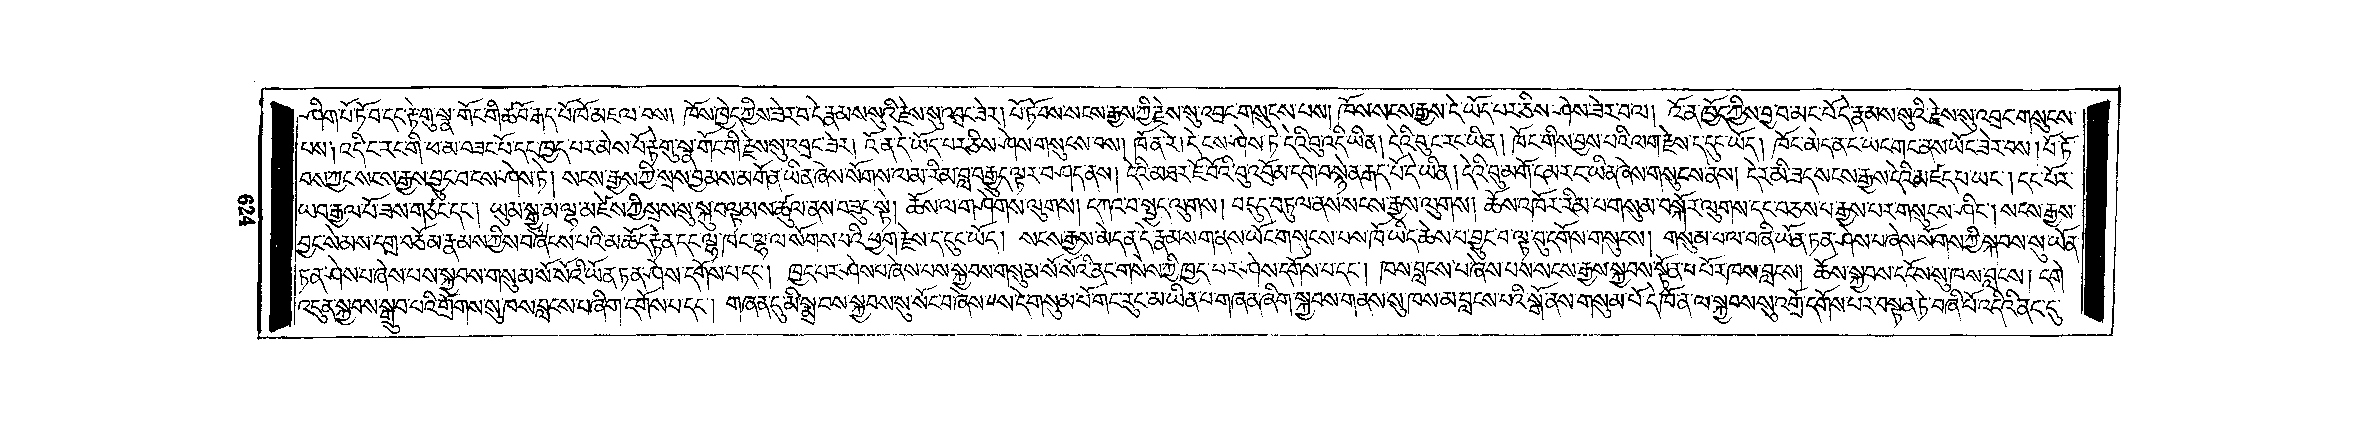ཤིག་པོ་ཏོ་བ་དང་རྟེ་གུ་སྣ་གོང་གི་ཚ་བོ་རྒད་པོ་ཁོ་མཇལ་བས། ཁོས་ཁྱེད་ཀྱིས་ཟེར་བ་དེ་རྣམས་སུའི་རྗེས་སུ་འབྲང་ཟེར། པོ་ཏོ་བས་སངས་རྒྱས་ཀྱི་རྗེས་སུ་འབྲང་གསུངས་པས། ཁོས་སངས་རྒྱས་དེ་ཡོད་པར་ཅིས་ཤེས་ཟེར་བ་ལ། འོ་ན་ཁྱོད་ཀྱིས་བྱ་བ་མང་པོ་དེ་རྣམས་སུའི་རྗེས་སུ་འབྲང་གསུངས་
པས། འདི་ང་རང་གི་ཕ་མ་བཟང་པོ་དང་ཁྱད་པར་མེས་པོ་རྟེ་གུ་སྣ་གོང་གི་རྗེས་སུ་འབྲང་ཟེར། འོ་ན་དེ་ཡོད་པར་ཅིས་ཤེས་གསུངས་བས། ཁོ་ན་རེ། དེ་ངས་ཤེས་ཏེ་དེའི་བུ་འདི་ཡིན། དེའི་བུ་ང་རང་ཡིན། ཁོང་གིས་བྱས་པའི་ལག་རྗེས་ད་དུང་ཡོད། ཁོང་མེད་ན་ང་ཡང་གང་ནས་ཡོང་ཟེར་བས། པོ་ཏོ་
བས་ཀྱང་སངས་རྒྱས་བྱུང་བ་ངས་ཤེས་ཏེ། སངས་རྒྱས་ཀྱི་སྲས་བྱམས་མགོན་ཡིན་ཞེས་སོགས་ལམ་རིམ་བླ་བརྒྱུད་ལྟར་བཤད་ནས། དེའི་མཐར་ཇོ་བོའི་བུ་འབྲོམ་དགེ་བསྙེན་རྒད་པོ་དེ་ཡིན། དེའི་བུ་མགོ་དམར་ང་ཡིན་ཞེས་གསུངས་ནས། དེར་མི་ཟད་སངས་རྒྱས་དེའི་མཛད་པ་ཡང་། དང་པོར་
ཡབ་རྒྱལ་པོ་ཟས་གཙང་དང་། ཡུམ་སྒྱུ་མ་ལྷ་མཛེས་ཀྱི་སྲས་སུ་སྐུ་བལྟམས་ཚུལ་ནས་བཟུང་སྟེ། ཆོས་ལ་གཤེགས་ལུགས། དཀའ་བ་སྤྱད་ལུགས། བདུད་བཏུལ་ནས་སངས་རྒྱས་ལུགས། ཆོས་འཁོར་རིམ་པ་གསུམ་བསྐོར་ལུགས་དང་བཅས་པ་རྒྱས་པར་གསུངས་ཤིང་། སངས་རྒྱས་
བྱང་སེམས་དགྲ་བཅོམ་རྣམས་ཀྱིས་བཞེངས་པའི་མཆོད་རྟེན་དང་ལྷ་ཁང་ལྷ་ལ་སོགས་པའི་ཕྱག་རྗེས་ད་དུང་ཡོད། སངས་རྒྱས་མེད་ན་དེ་རྣམས་གནས་ཡོང་གསུངས་པས་ཁོ་ཡིད་ཆེས་པ་བྱུང་བ་ལྟ་བུ་དགོས་གསུངས། གསུམ་པ་ལ་བཞི་ཡོན་ཏན་ཤེས་པ་ཞེས་སོགས་ཀྱི་སྐབས་སུ་ཡོན་
ཏན་ཤེས་པ་ཞེས་པས་སྐྱབས་གསུམ་སོ་སོའི་ཡོན་ཏན་ཤེས་དགོས་པ་དང་། ཁྱད་པར་ཤེས་པ་ཞེས་པས་སྐྱབས་གསུམ་སོ་སོའི་ནང་གསེས་ཀྱི་ཁྱད་པར་ཤེས་དགོས་པ་དང་། ཁས་བླངས་པ་ཞེས་པས་སངས་རྒྱས་སྐྱབས་སྟོན་པ་པོར་ཁས་བླངས། ཆོས་སྐྱབས་དངོས་སུ་ཁས་བླངས། དགེ་
འདུན་སྐྱབས་སྒྲུབ་པའི་གྲོགས་སུ་ཁས་བླངས་པ་ཞིག་དགོས་པ་དང་། གཞན་དུ་མི་སྨྲ་བས་སྐྱབས་སུ་སོང་བ་ཞེས་པས་དེ་གསུམ་པོ་གང་རུང་མ་ཡིན་པ་གཞན་ཞིག་སྐྱབས་གནས་སུ་ཁས་མ་བླངས་པའི་སྒོ་ནས་གསུམ་པོ་དེ་ཁོ་ན་ལ་སྐྱབས་སུ་འགྲོ་དགོས་པར་བསྟན་ཏེ་བཞི་པོ་འདིའི་ནང་དུ་